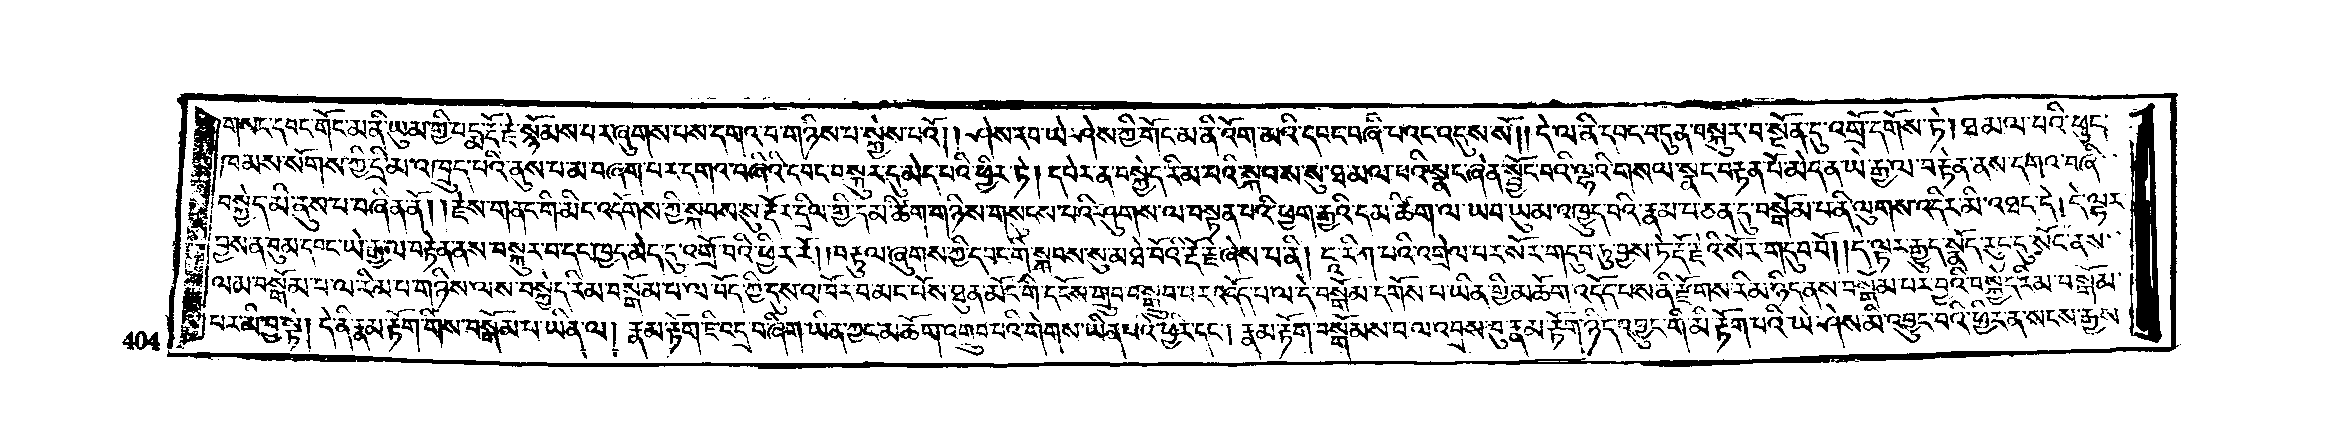གསང་དབང་གོང་མ་ནི་ཡུམ་གྱི་པདམ་རྡོ་རྗེ་སྙོམས་པར་ཞུགས་པས་དགའ་བ་གཉིས་པ་སྐྱེས་པའོ། །ཤེས་རབ་ཡེ་ཤེས་ཀྱི་གོང་མ་ནི་འོག་མའི་དབང་བཞི་པའང་འདུས་སོ། །དེ་ལ་ནི་དབང་བདུན་བསྐུར་བ་སྔོན་དུ་འགྲོ་དགོས་ཏེ། ཐ་མལ་པའི་ཕུང་
ཁམས་སོགས་ཀྱི་དྲི་མ་འཁྲུད་པའི་ནུས་པ་མ་བཞག་པར་དགའ་བཞིའི་དབང་བསྐུར་དུ་མེད་པའི་ཕྱིར་ཏེ། དཔེར་ན་བསྐྱེད་རིམ་པའི་སྐབས་སུ་ཐ་མལ་པའི་སྣང་ཞེན་སྦྱོང་བའི་ལྷའི་གསལ་སྣང་བརྟན་པོ་མེད་ན་ཡེ་རྒྱ་ལ་བརྟེན་ནས་དགའ་བཞི་
བསྐྱེད་མི་ནུས་པ་བཞིན་ནོ། །རྗེས་གནང་གི་མིང་འདོགས་ཀྱི་སྐབས་སུ་རྡོར་དྲིལ་གྱི་དམ་ཚིག་གཉིས་གསུངས་པའི་ཤུགས་ལ་བསྟན་པའི་ཕྱག་རྒྱའི་དམ་ཚིག་ལ་ཡབ་ཡུམ་འཁྱུད་པའི་རྣམ་པ་ཅན་དུ་བསྒོམ་པ་ནི་ལུགས་འདིར་མི་འཐད་དེ། དེ་ལྟར་
བྱས་ན་བུམ་དབང་ཡེ་རྒྱ་ལ་བརྟེན་ནས་བསྐུར་བ་དང་ཁྱད་མེད་དུ་འགྲོ་བའི་ཕྱིར་རོ། །བརྟུལ་ཞུགས་ཀྱི་དབང་གི་སྐབས་སུ་མཐེ་བོའི་རྡོ་རྗེ་ཞེས་པ་ནི། དཱ་རི་ཀ་པའི་འགྲེལ་པར་སོར་གདུབ་ཏུ་བྱས་ཏེ་རྡོ་རྗེའི་སོར་གདུབ་བོ། །དེ་ལྟར་རྒྱུད་སྣོད་རུང་དུ་སོང་ནས་
ལམ་བསྒོམ་པ་ལ་རིམ་པ་གཉིས་ལས་བསྐྱེད་རིམ་བསྒོམ་པ་ལ་བོད་ཀྱི་དུས་འཁོར་བ་མང་པོས་ཐུན་མོང་གི་དངོས་གྲུབ་བསྒྲུབ་པར་འདོད་པ་ལ་དེ་བསྒོམ་དགོས་པ་ཡིན་གྱི་མཆོག་འདོད་པས་ནི་རྫོགས་རིམ་ཉིད་ནས་བསྒོམ་པར་བྱའི་བསྐྱེད་རིམ་བསྒོམ་
པར་མི་བྱ་སྟེ། དེ་ནི་རྣམ་རྟོག་གིས་བསྒོམ་པ་ཡིན་ལ། རྣམ་རྟོག་ཇི་འདྲ་བ་ཞིག་ཡིན་ཀྱང་མཆོག་འགྲུབ་པའི་གེགས་ཡིན་པའི་ཕྱིར་དང་། རྣམ་རྟོག་བསྒོམས་པ་ལ་འབྲས་བུ་རྣམ་རྟོག་ཉིད་འབྱུང་གི་མི་རྟོག་པའི་ཡེ་ཤེས་མི་འབྱུང་བའི་ཕྱིར་ན་སངས་རྒྱས་